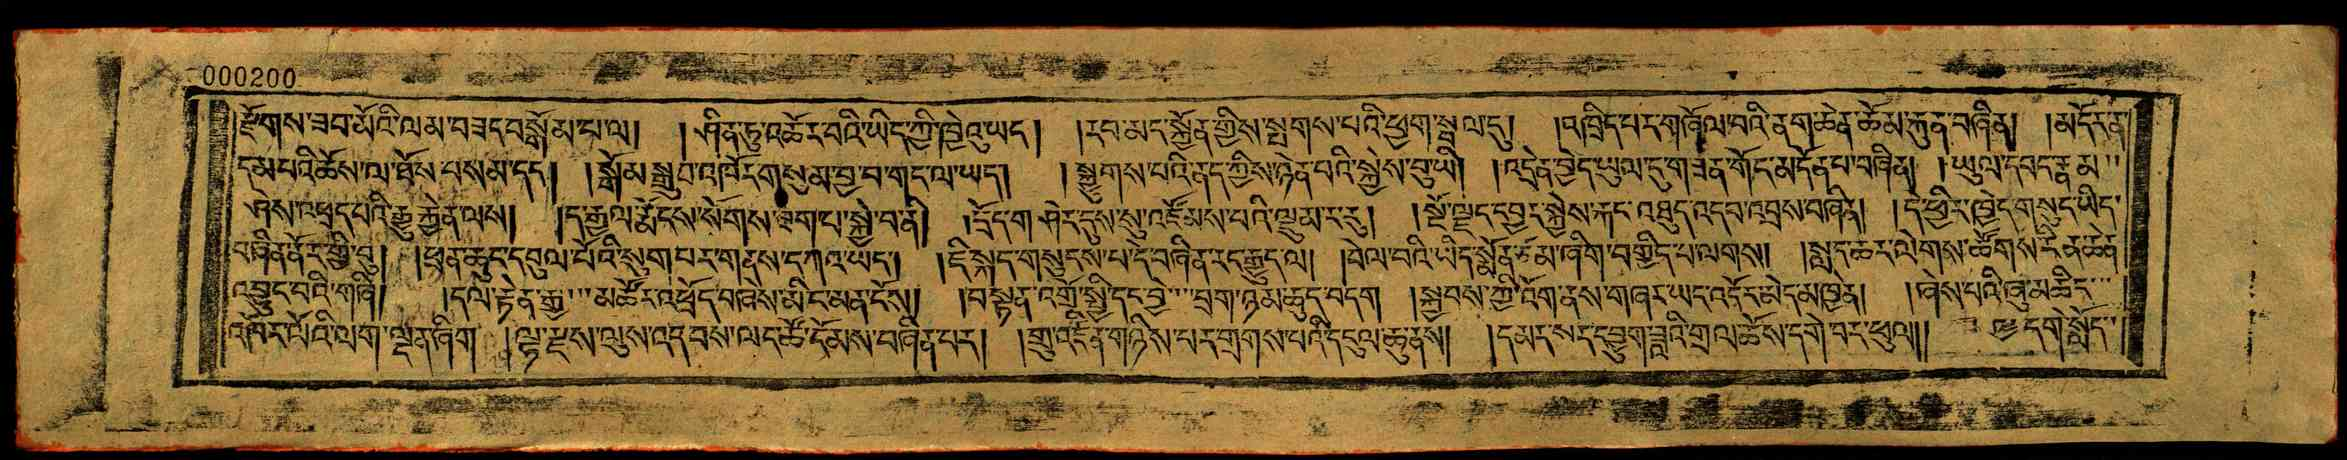རྫོགས་ཟབ་མོའི་ལམ་བཟང་བསྒོམ་པ་ལ། །ཤིན་ཏུ་འཚེར་བའི་ཡིད་ཀྱི་ཁྱེབ་ཡང་། །རབ་མང་སྐྱོན་གྱིས་སྔགས་པའི་ཕྱག་སྦལ་དུ། །འཁྲིད་ཕར་གཞོལ་བའི་ནག་ཆེན་ཆོམ་རྐུན་བཞིན། །མདོར་ན་
དམ་པའི་ཆོས་ལ་ཐོས་བསམ་དང་། །སྒོམ་སྲུང་འཁོར་གསུམ་བྱ་བ་གང་ལ་ཡང་། །སྔགས་པའི་ནད་ཀྱིས་ཉེན་པའི་སྐྱེས་བུ་ཡི། །འདྲིན་བྱེད་ཡུལ་གཟན་གོང་མངོན་པ་བཞན། ཡུལ་དབང་རྣམ་
ཤེས་འཕྲད་པའི་རྒྱུ་རྐྱེན་ལས། །ང་རྒྱལ་རྨོངས་སོགས་ཟག་པ་སྐྱེ་བ་ནི། །དྲོད་གཤེར་དུས་སུ་འཛོམས་པའི་ལྡུམ་ར་རུ། །སྔོ་ལྗང་དབང་སྐྱེས་རྐང་འཐུང་འདབ་འབྲས་བཞིན། །དེ་ཕྱིར་ཁྱེད་གསུང་ཡིད་
བཞིན་ནོར་གྱི་བུ། །ཕྲན་ཆུང་དབུལ་པོའི་སུག་པར་གནས་དཀའ་ཡང་། །ཇི་སྐད་གསུངས་པ་དེ་བཞིན་རང་རྒྱུད་ལ། ཁེལ་བའི་ཡིད་སྨོན་ཙམ་ཞིག་བགྱིད་པ་ལགས། །སླར་ཆར་ལེགས་ཚོགས་རིན་ཆེན་
འབྱུང་བའི་གཞི། །དལ་རྟེན་རྒྱ་་་མཚོར་འཕྲོད་བཞེས་མི་དམན་ངོས། །བསྟན་འགྲོ་སྤྱི་དང་བྱེ་་་བྲག་ཉམ་ཆུང་བདག། །སྐྱབས་གྱི་འོག་ནས་གཞར་ཡང་འདོར་མེད་མཁྱེན། །ཞེས་པའི་ཞུ་མཆིང་
འཁོར་ལོའི་ལག་ལྡན་ཞིང་། །ལྷ་རྫས་ལུས་འདོགས་ལ་ང་ཚོ་ངོམས་བཞིན་པར། །གྲུ་འཛིན་གཉིས་པར་གྲགས་པའི་དངུལ་ཆུ་ནས། །དམར་སེར་དཔག་ཟླའི་གྲལ་ཚེ་དག་པར་ཕུལ། འདྒེ་སློང་